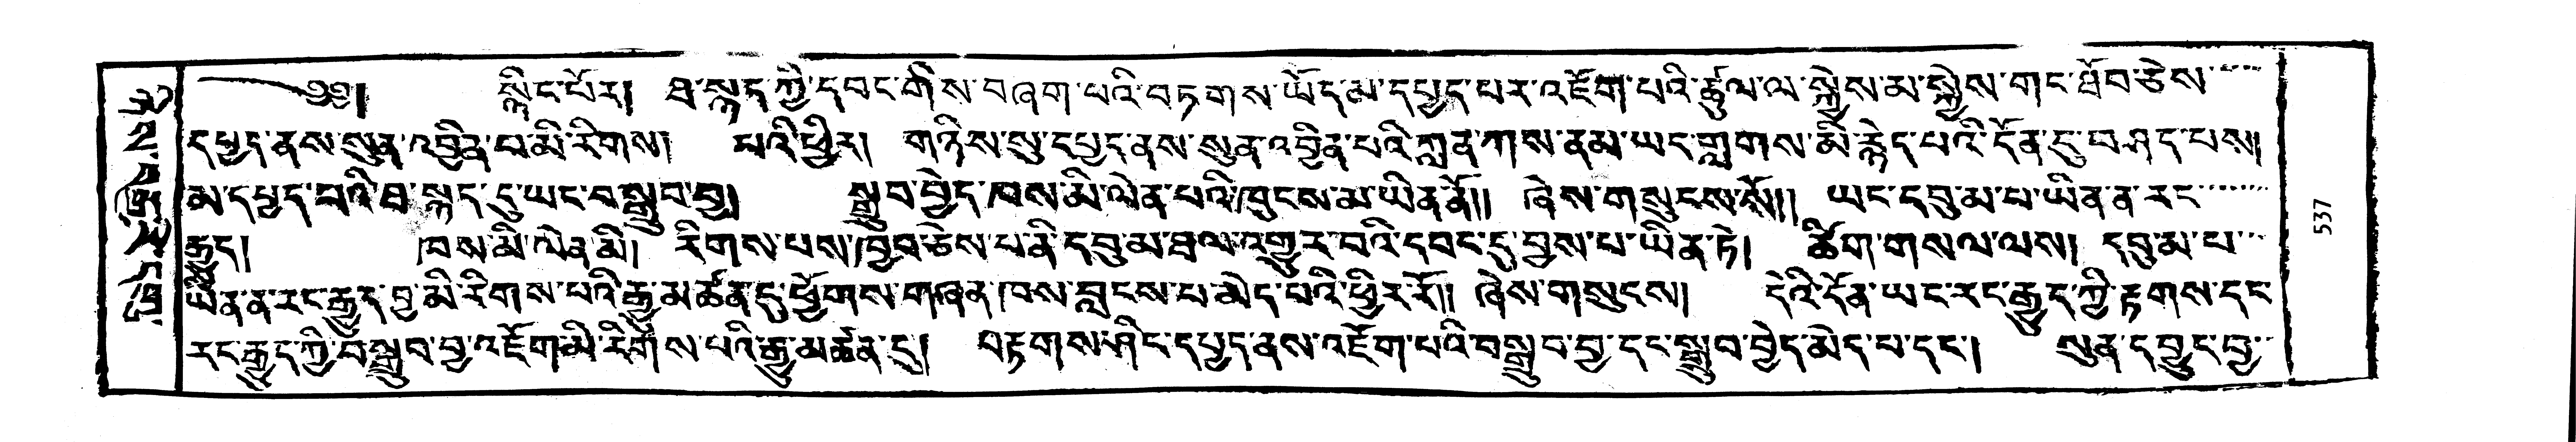༄༅། །སྙིང་པོར། ཐལ་སྙད་ཀྱི་དབང་གིས་བཞག་པའི་བཏགས་ཡོད་མ་དཔྱད་པར་འཇོག་པའི་ཚུལ་ལ་སྐྱེས་མ་སྐྱེས་གང་ཐོབ་ཅེས་
དཔྱད་ནས་སུན་འབྱིན་པ་མི་རིགས། པའི་ཕྱིར། གཉིས་སུ་དཔྱད་ནས་སུན་འབྱིན་པའི་ཀླན་ཀས་ནམ་ཡང་གླགས་མི་རྙེད་པའི་དོན་དུ་བཤད་པས།
མ་དཔྱད་པའི་ཐ་སྙད་དུ་ཡང་བསྒྲུབ་བྱ། སྒྲུབ་བྱེད་ཁས་མི་ལེན་པའི་ཁུངས་མ་ཡིན་ནོ། །ཞེས་གསུངས་སོ། །ཡང་དབུ་མ་པ་ཡིན་ན་རང་
རྒྱུད། ཁས་མི་ལེན་མི། རིགས་པས་ཁྱབ་ཅེས་པ་ནི་དབུ་མ་ཐལ་འགྱུར་བའི་དབང་དུ་བྱས་པ་ཡིན་ཏེ། ཚིག་གསལ་ལས། དབུ་མ་པ་
ཡིན་ན་རང་རྒྱུད་བྱ་མི་རིགས་པའི་རྒྱུ་མཚན་དུ་ཕྱོགས་གཞན་ཁས་བླངས་པ་མེད་པའི་ཕྱིར་རོ། །ཞེས་གསུངས། དེའི་དོན་ཡང་རང་རྒྱུད་ཀྱི་རྟགས་དང་
རང་རྒྱུད་ཀྱི་བསྒྲུབ་བྱ་འཇོག་མི་རིགས་པའི་རྒྱུ་མཚན་དུ། བརྟགས་ཤིང་དཔྱད་ནས་འཇོག་པའི་བསྒྲུབ་བྱ་དང་སྒྲུབ་བྱེད་མེད་པ་དང་། སུན་དབྱུང་བྱ་